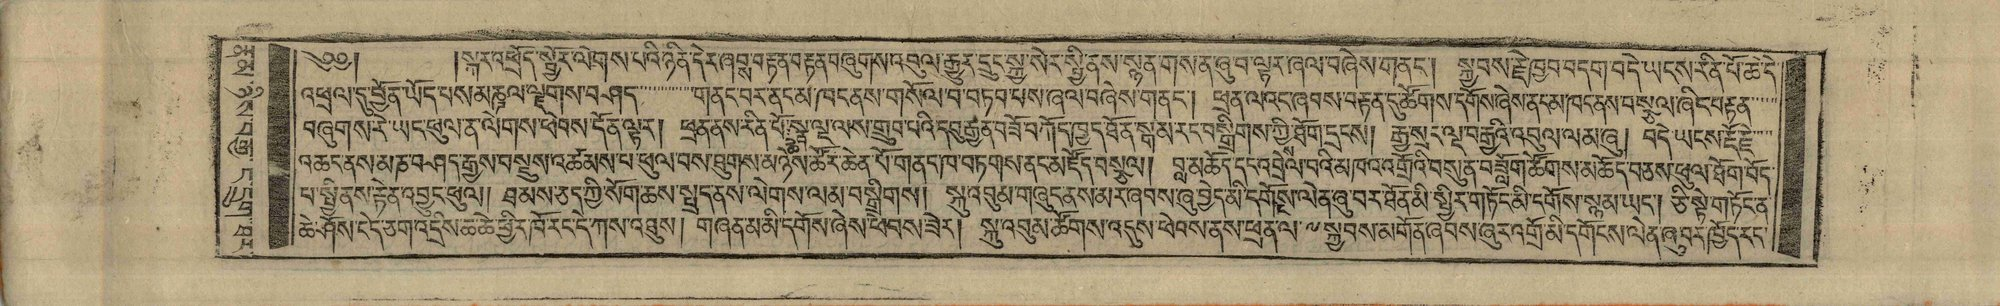༄༅། །སྐར་འཕྲོད་སྦྱོར་ལེགས་པའི་ཉིན་དེར་ཞབས་བརྟན་བརྟན་བཞུགས་འབུལ་རྒྱུར་དྲུང་སྐྱ་སེར་སྤྱི་ནས་སྙན་གསན་ཞུ་བ་ལྟར་ཞལ་བཞེས་གནང་། སྐྱབས་རྗེ་ཁྱབ་བདག་བདེ་ཡངས་རིན་པོ་ཆེ་དེ་
འཕྲལ་དུ་བྱོན་ཡོད་པས་མཎྜལ་ལྗགས་བཤད་གནང་བར་ནང་མ་ཁང་ནས་གསོལ་བ་བཏབ་པས་ཞལ་བཞེས་གནང་། ཕྲན་ལའང་ཞབས་བརྟན་དུ་ཚོགས་དགོས་ཞེས་ནང་མ་ཁང་ནས་བསྩལ་ཞིང་བརྟན་
བཞུགས་རེ་ཡང་ཕུལ་ན་ལེགས་ཕེབས་དོན་ལྟར། ཕྲན་ནས་རིན་པོ་ཆེ་སྣ་ལྔ་ལས་གྲུབ་པའི་དབུ་རྒྱན་བཟོ་བཀོད་ཁྱད་ཐོན་སྒམ་རང་བསྒྲིགས་ཀྱིས་ཐོག་དྲངས། རྒྱ་སྲང་ལྔ་བརྒྱའི་འབུལ་ལམ་ཞུ། བདེ་ཡངས་རྡོ་རྗེ་
འཆང་ནས་མཎ་བཤད་རྒྱས་བསྡུས་འཚམས་པ་ཕུལ་བས་ཐུགས་མཉེས་ཚོར་ཆེན་པོ་གནང་ཁ་བཏགས་ནང་མཛོད་བསྩལ། བླ་མཆོད་དང་འབྲེལ་བའི་མཁའ་འགྲོའི་བསུན་བཟློག་ཚོགས་མཆོད་བཅས་ཕུལ་ཐོག་བོད་
པ་སྤྱི་ནས་རྟེན་འབྱུང་ཕུལ། ཐམས་ཅད་ཀྱི་སོག་ཆས་སྤྲད་ནས་ལེགས་ལམ་བསྒྲིགས། སྐུ་འབུམ་གཞུང་ནས་མར་ཞབས་ཞུ་བྱེད་མི་དགོངས་ལེན་ཞུ་བར་ཐོན་མི་སྤྱིར་གཏོང་མི་དགོས་སྙམ་ཡང་། ཅི་སྟེ་གཏོང་ན་
ཆེ་ཤོས་ངེད་ཅག་འདྲིས་ཆ་ཆེ་ཕྱིར་ཁོ་རང་དེ་ཀས་འཐུས། གཞན་མ་མི་དགོས་ཞེས་ཕེབས་ཟེར། སྐུ་འབུམ་ཚོགས་འདུས་ཕེབས་ནས་ཕྲན་ལ་༧སྐྱབས་མགོན་ཞབས་ཞུར་འགྲོ་མི་དགོངས་ལེན་ཞུ་བར་ཁྱོད་རང་